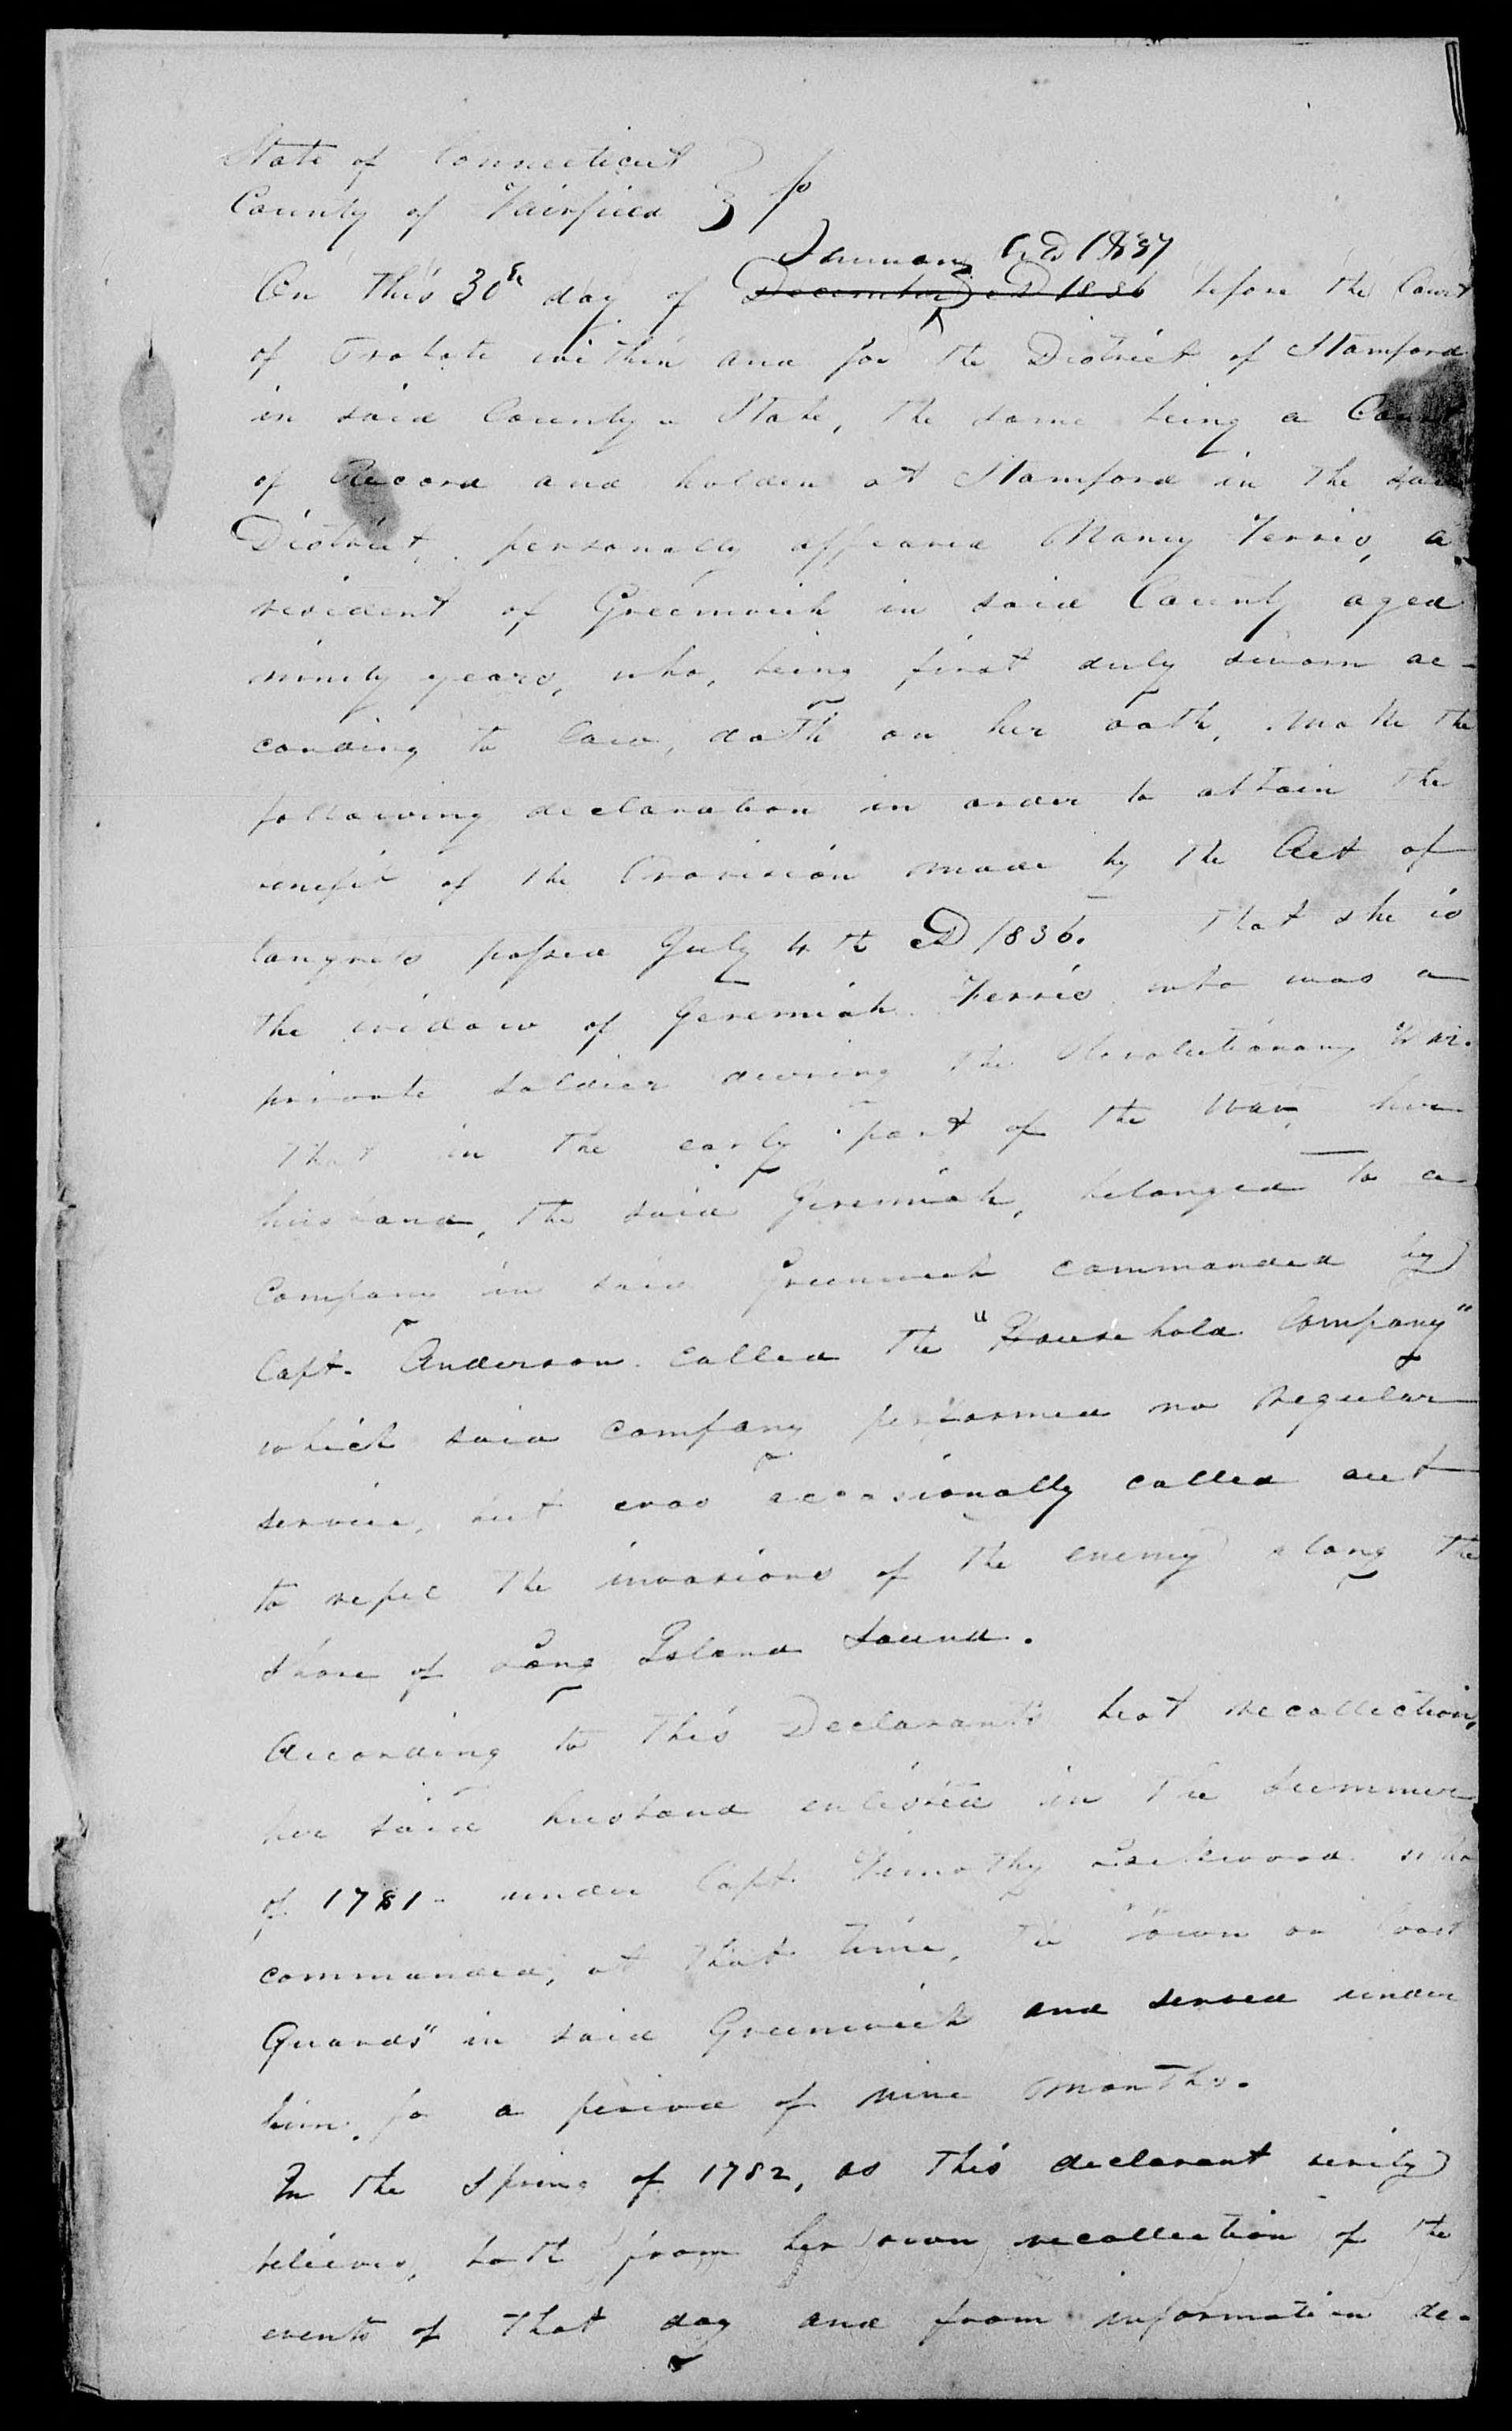State of Connecticut
County of Fairfield}  Js
 On the 30th day of January AD 1837 [date inserted over deleted December AD 1836] before the Court of Probate within and for the District of Stamford in said County & State, the same being a Court of Record and holden in Stamford in the said District, personally appeared Nancy Ferris, a resident of Greenwich in said County aged ninety years, who, being duly sworn according to law, doth on her oath , make the following declaration in order to obtain the benefit of the Provision made by the Act of Congress passed July 4th AD 1836.  That she is the widow of Jeremiah Ferris who was a soldier in the early part of the War her husband, the said Jeremiah, belonged to a company in said Greenwich commanded by Capt. Anderson called  the " Household Company" which said Company performed no regular service, but was occasionally called out to repel the invasion of the enemy along the shore of Long Island Sound.

According to this Declarant's best recollection, her said husband enlisted in the Summer of 1781, under Capt. Timothy Lockwood who commanded, at that time, the  town  and Coast Guard in said Greenwich and served under him for a period of nine months.

In the Spring of 1782, as the declarant verily believes, both from her own recollection of the event of that day and from information de.....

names: Nancy Ferris, Jeremiah Ferris, Jeremiah, Anderson, Timothy Lockwood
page: 7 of 14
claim: widow's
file: W. 17897, Jeremiah Ferris, Conn.